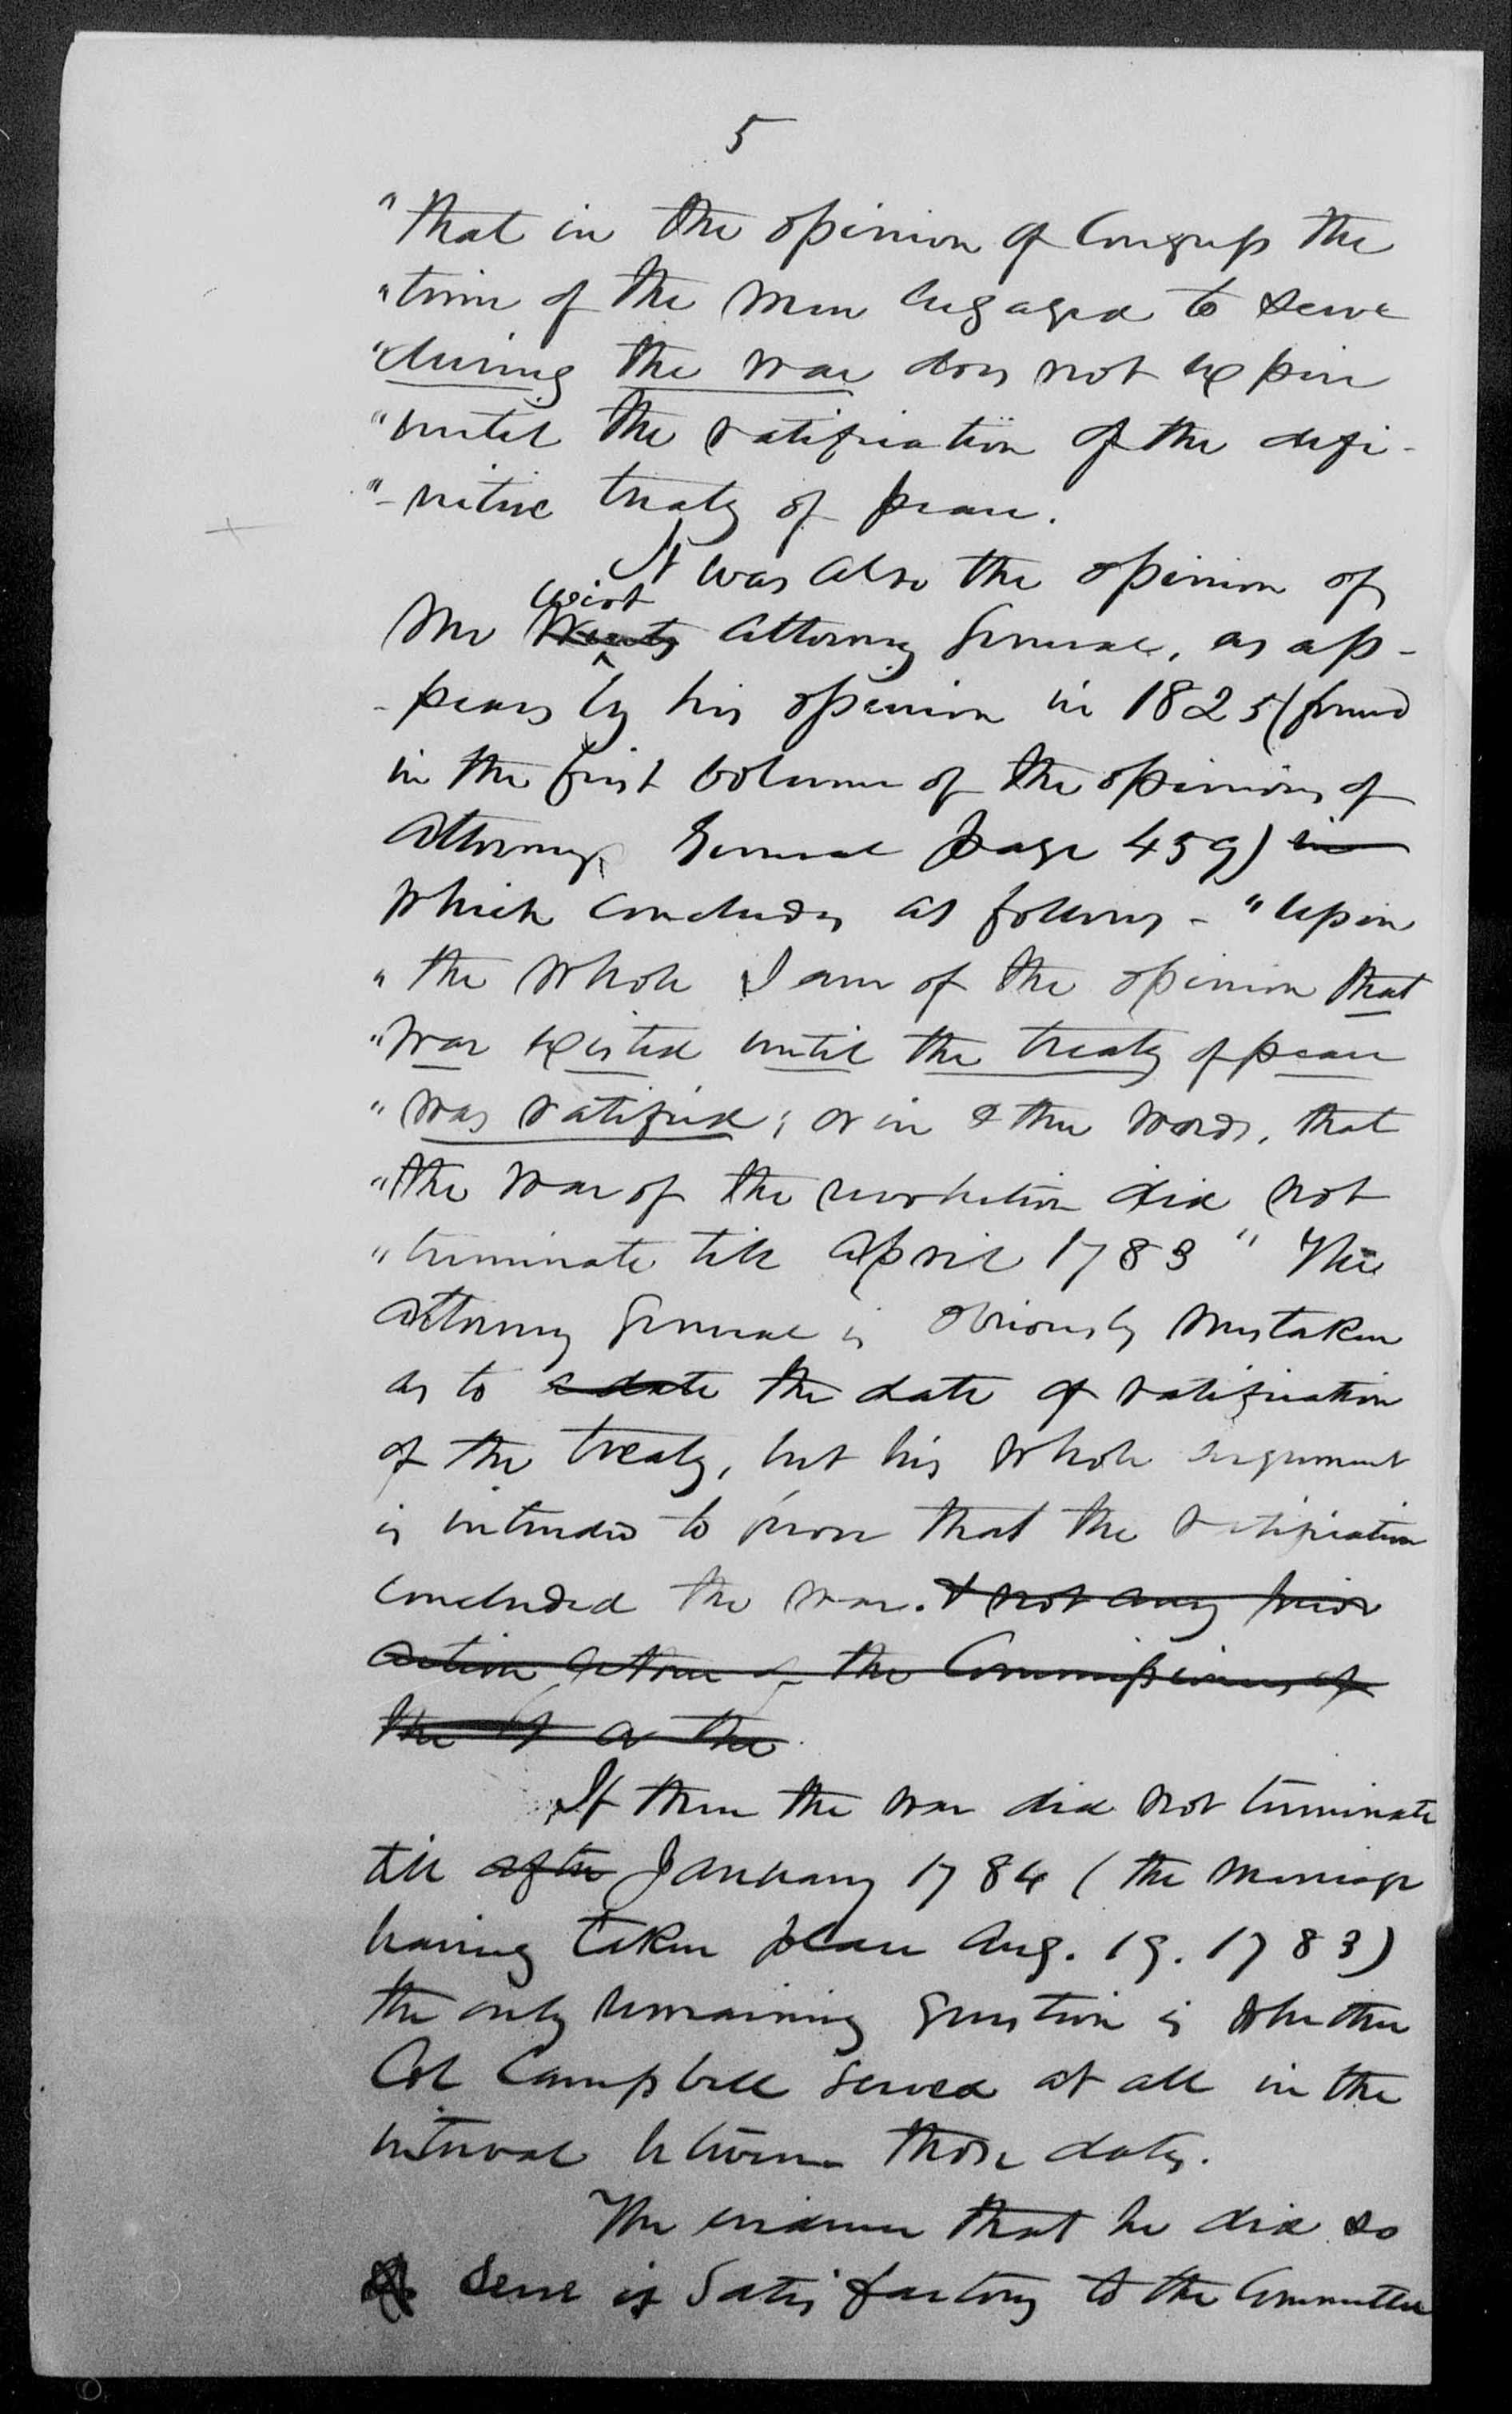5
"that in the opinion of Congress the time of the men engaged to serve [underlined begins] during the war [underline ends] does not expire until the ratification of the definitive treaty of Paris."
It was also the opinion of Mr Wirt Attorney General, as appears by his opinion in 1825 (found in the first volume of the opinions of Attorneys General page 459) [crossed out word 'in'] which concludes as follows __  "upon the Whole I am of the opinion [underline begins] that war existed until the treaty of Paris was ratified; [end underline] or in other words, that the war of revolution did not terminate till April 1783". This Attorney General is obviously mistaken as to [crossed out word] the date of ratification of the treaty, but his whole argument is intended to prove that the ratification concluded the war. [crossed out phrase not entirely legible]
If the war did not terminate till [crossed out word 'after'] January 1784 (the marriage having taken place August. 19. 1783) the only remaining question is whether Col Campbell served at all in the interval between those dates.
The evidence that he did so Serve is Satisfactory to the Committee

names: Campbell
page: 253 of 267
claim: widow's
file: W. 4,149, William Campbell, Va.